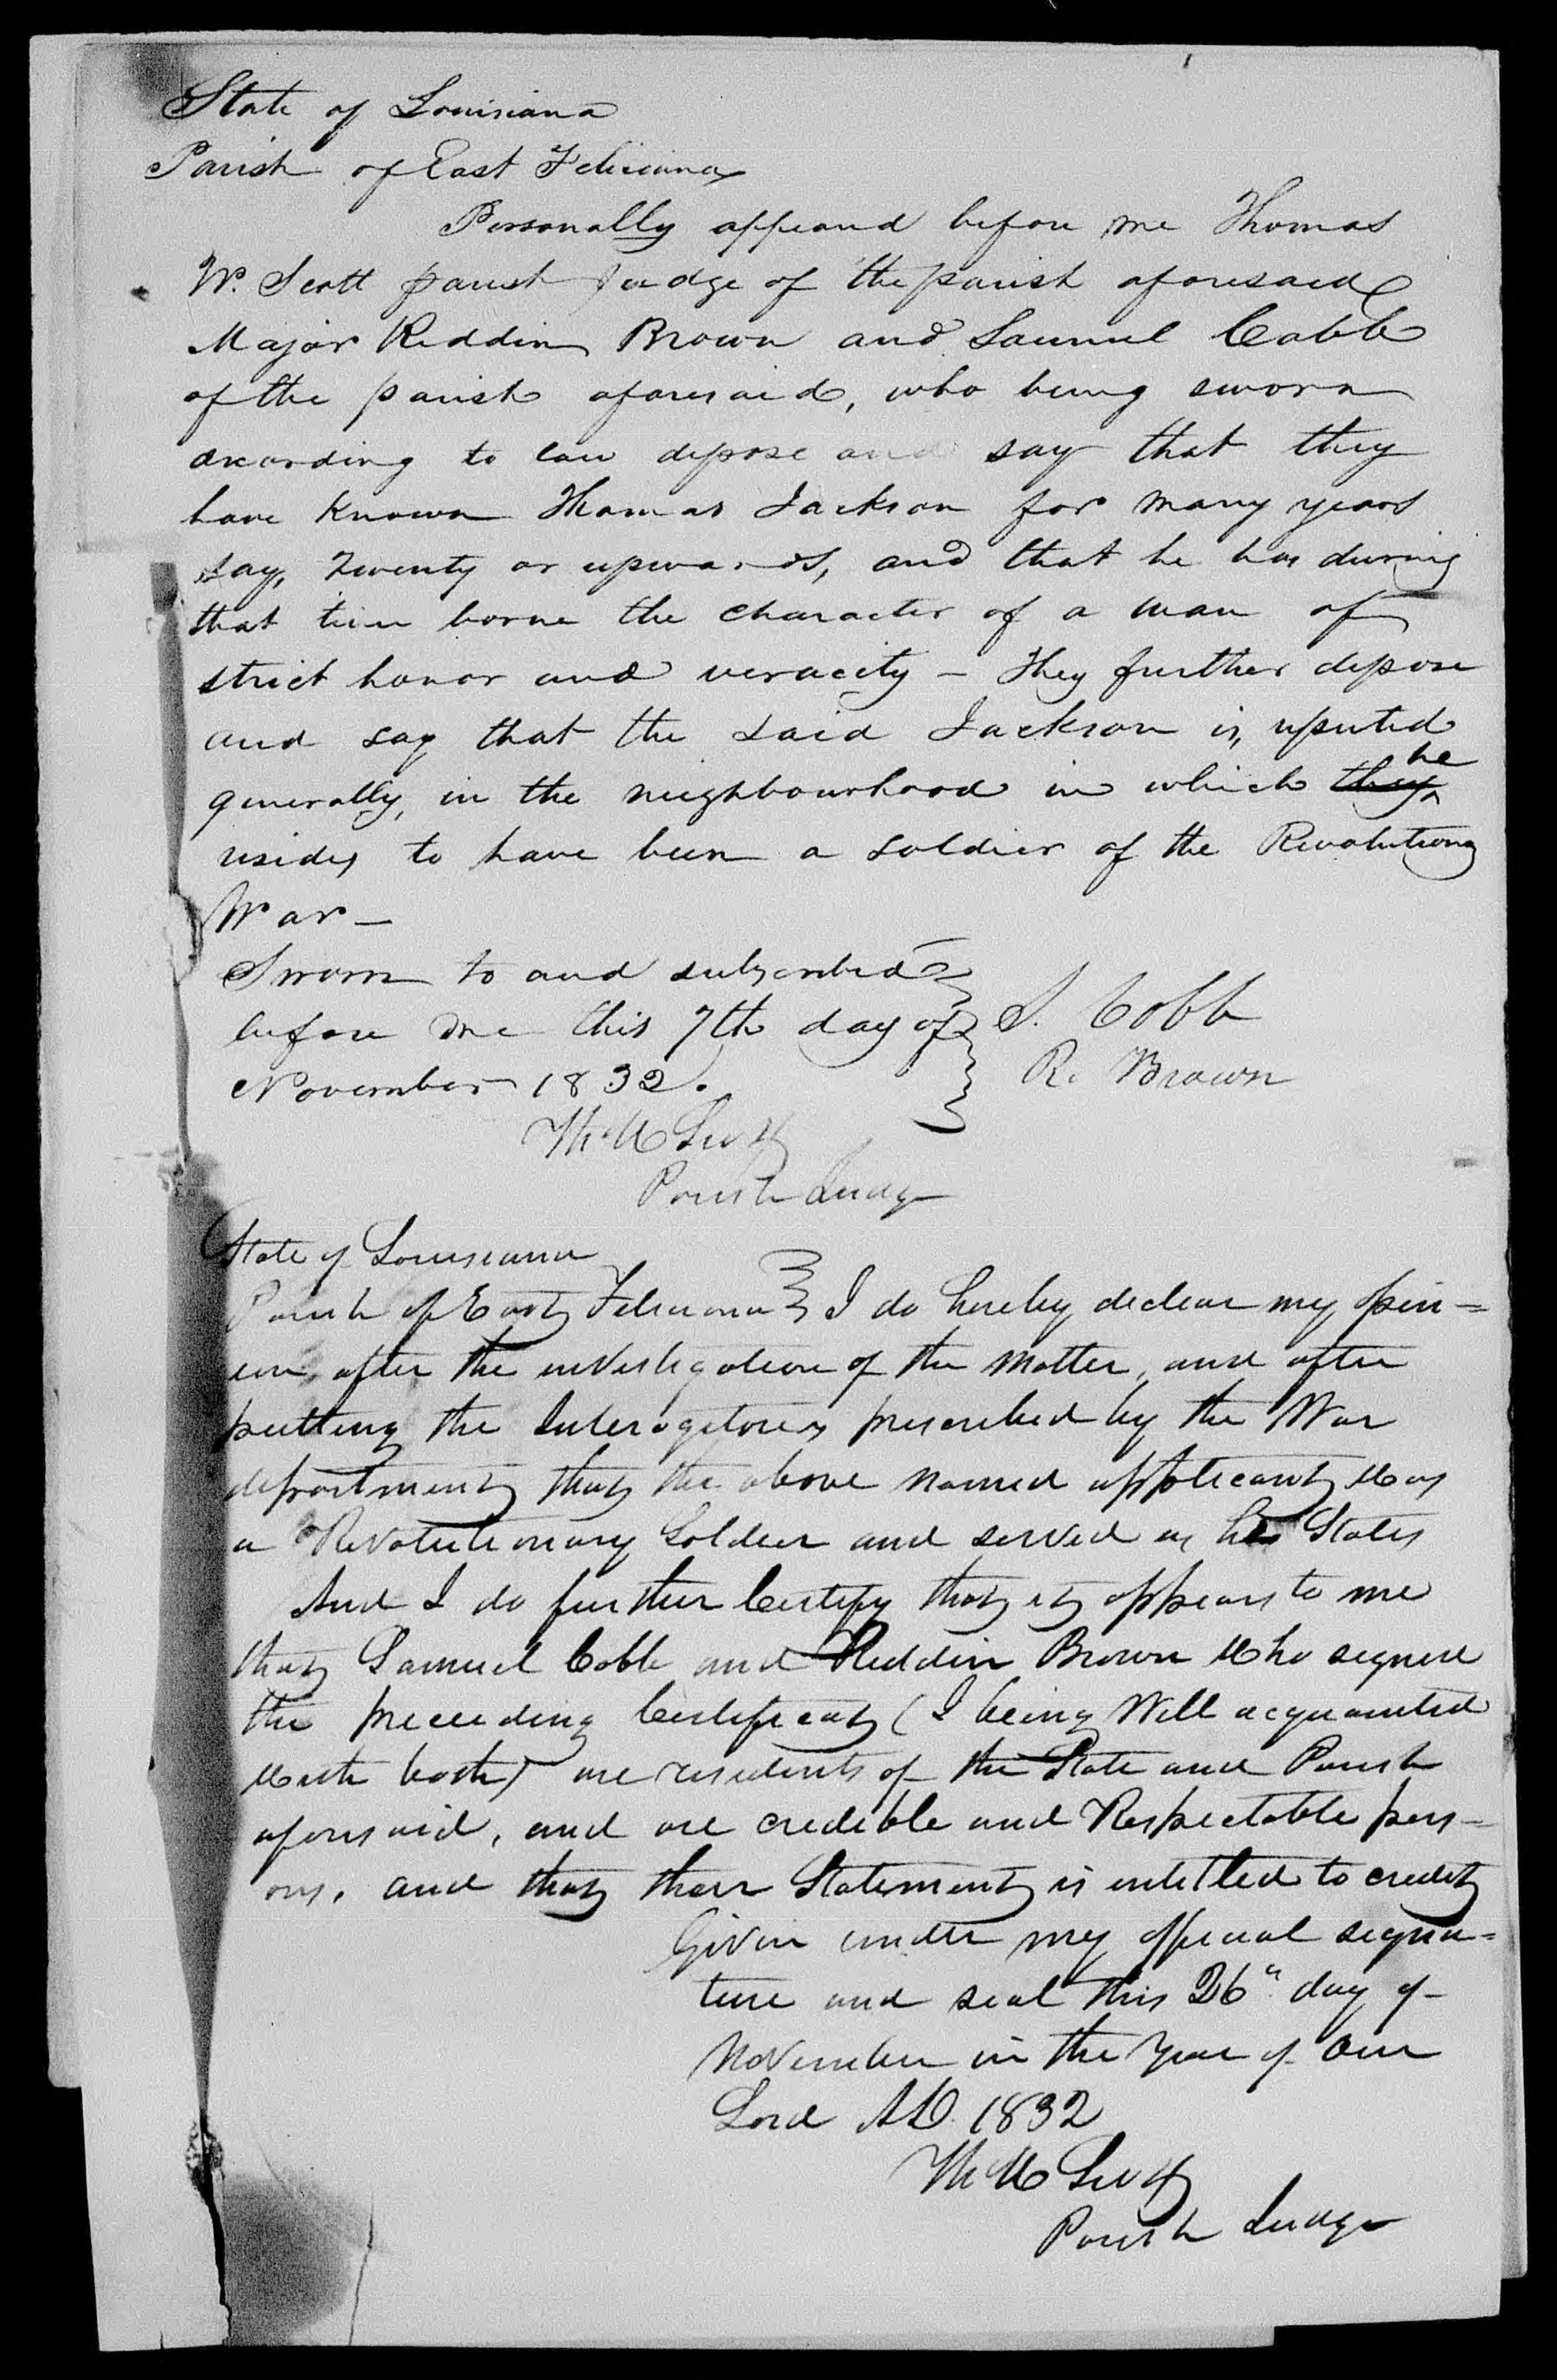State of Louisiana
Parish of East Feliciana
Personally appeared before me Thomas
W. Scott Parsh Judge of the parish aforesaid
Major Riddin Brown and Samuel Cobb
of the parish aforesaid, who being sworn
according to law depose and say that they
have known Thomas Jackson for many years
say, twenty or upwards, and that he has during
that time borne the character of a man of
strict honor and veracity. They further depose
and say that the said Jackson is reputed
generally, in the neighbourhood in which he
resides to have been a soldier of the Revolutionary
War -
Sworn to and subscribed )
before me this 7th day of ) S. Cobb
November 1832. )  R. Brown
Thos. W. Scott
Parish Judge

State of Louisiana )
Parish of East Feliciana ) I do hereby declar my opinion
after the investigation of the matter, and after
putting the Interogatories prescribed by the War
department that the above named applicant was a
Revolutionary Soldier and served as he states.
And I do further certify that it appears to me
that Samuel Cobb and Riddin Brown who signed
the preceeding certificate (I being well acquainted with
both) are residents of the State and Parish
aforesaid, and are credible and Respectable persons
and that their statement is entitled to credit.
Given under my official signature 
and seal this 26th day of
November in the year of our
Lord A.D. 1832
Thos. W. Scott
Parish Judge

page: 12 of 54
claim: survivor's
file: S. 31166, for Thomas Jackson, South Carolina